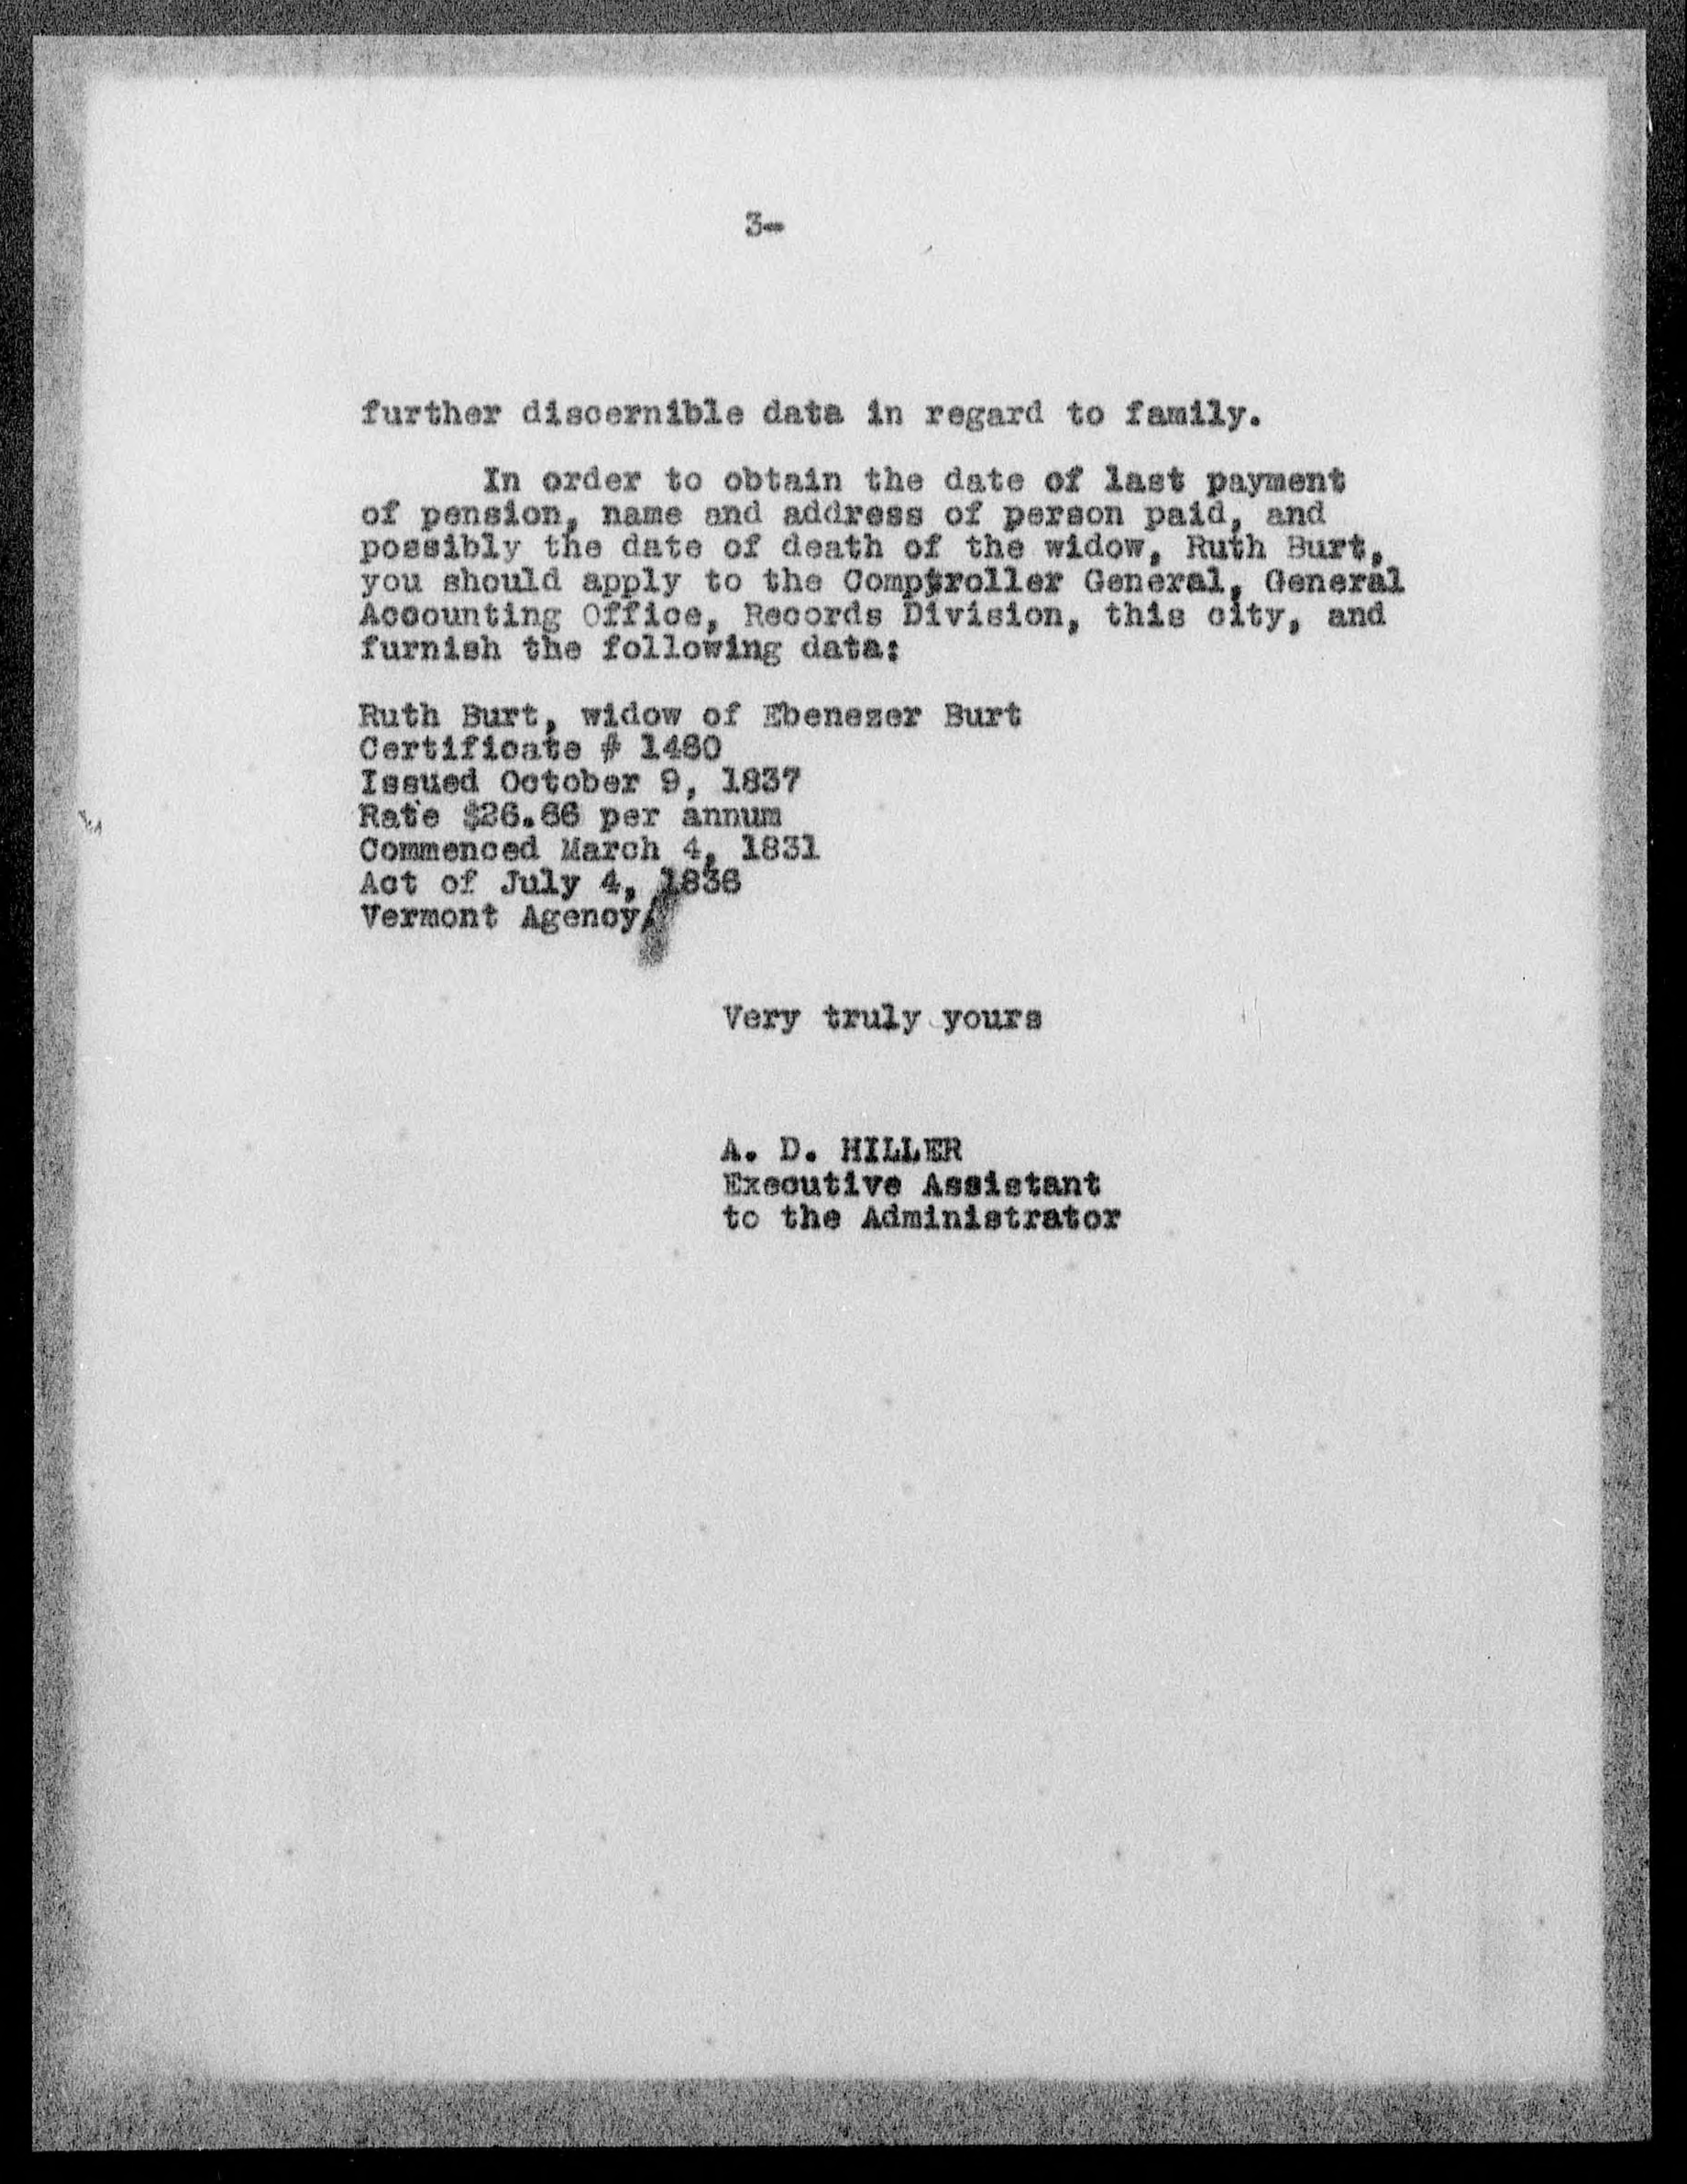further discernible data in regard to family.

In order to obtain the date of last payment
of pension, name and address of person paid, and possibly the date of death of the widow, Ruth Burt, you should apply to the Comptroller General, General Accounting Office, Records Division, this city, and furnish the following data:

Ruth Burt, widow of Ebenezer Burt
Certificate # 1480
Issued October 9, 1837
Rate $26.66 per annum
Commenced March 4, 1831
Act of July 4, 1836
Vermont Agency

Very truly yours

A. D. HILLER
Executive Assistant
to the Administrator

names: Ruth Burt, A D Hiller, Ebenezer Burt, Ruth Burt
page: 17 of 17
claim: widow's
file: W. 20809, Ebenezer Burt, Mass.